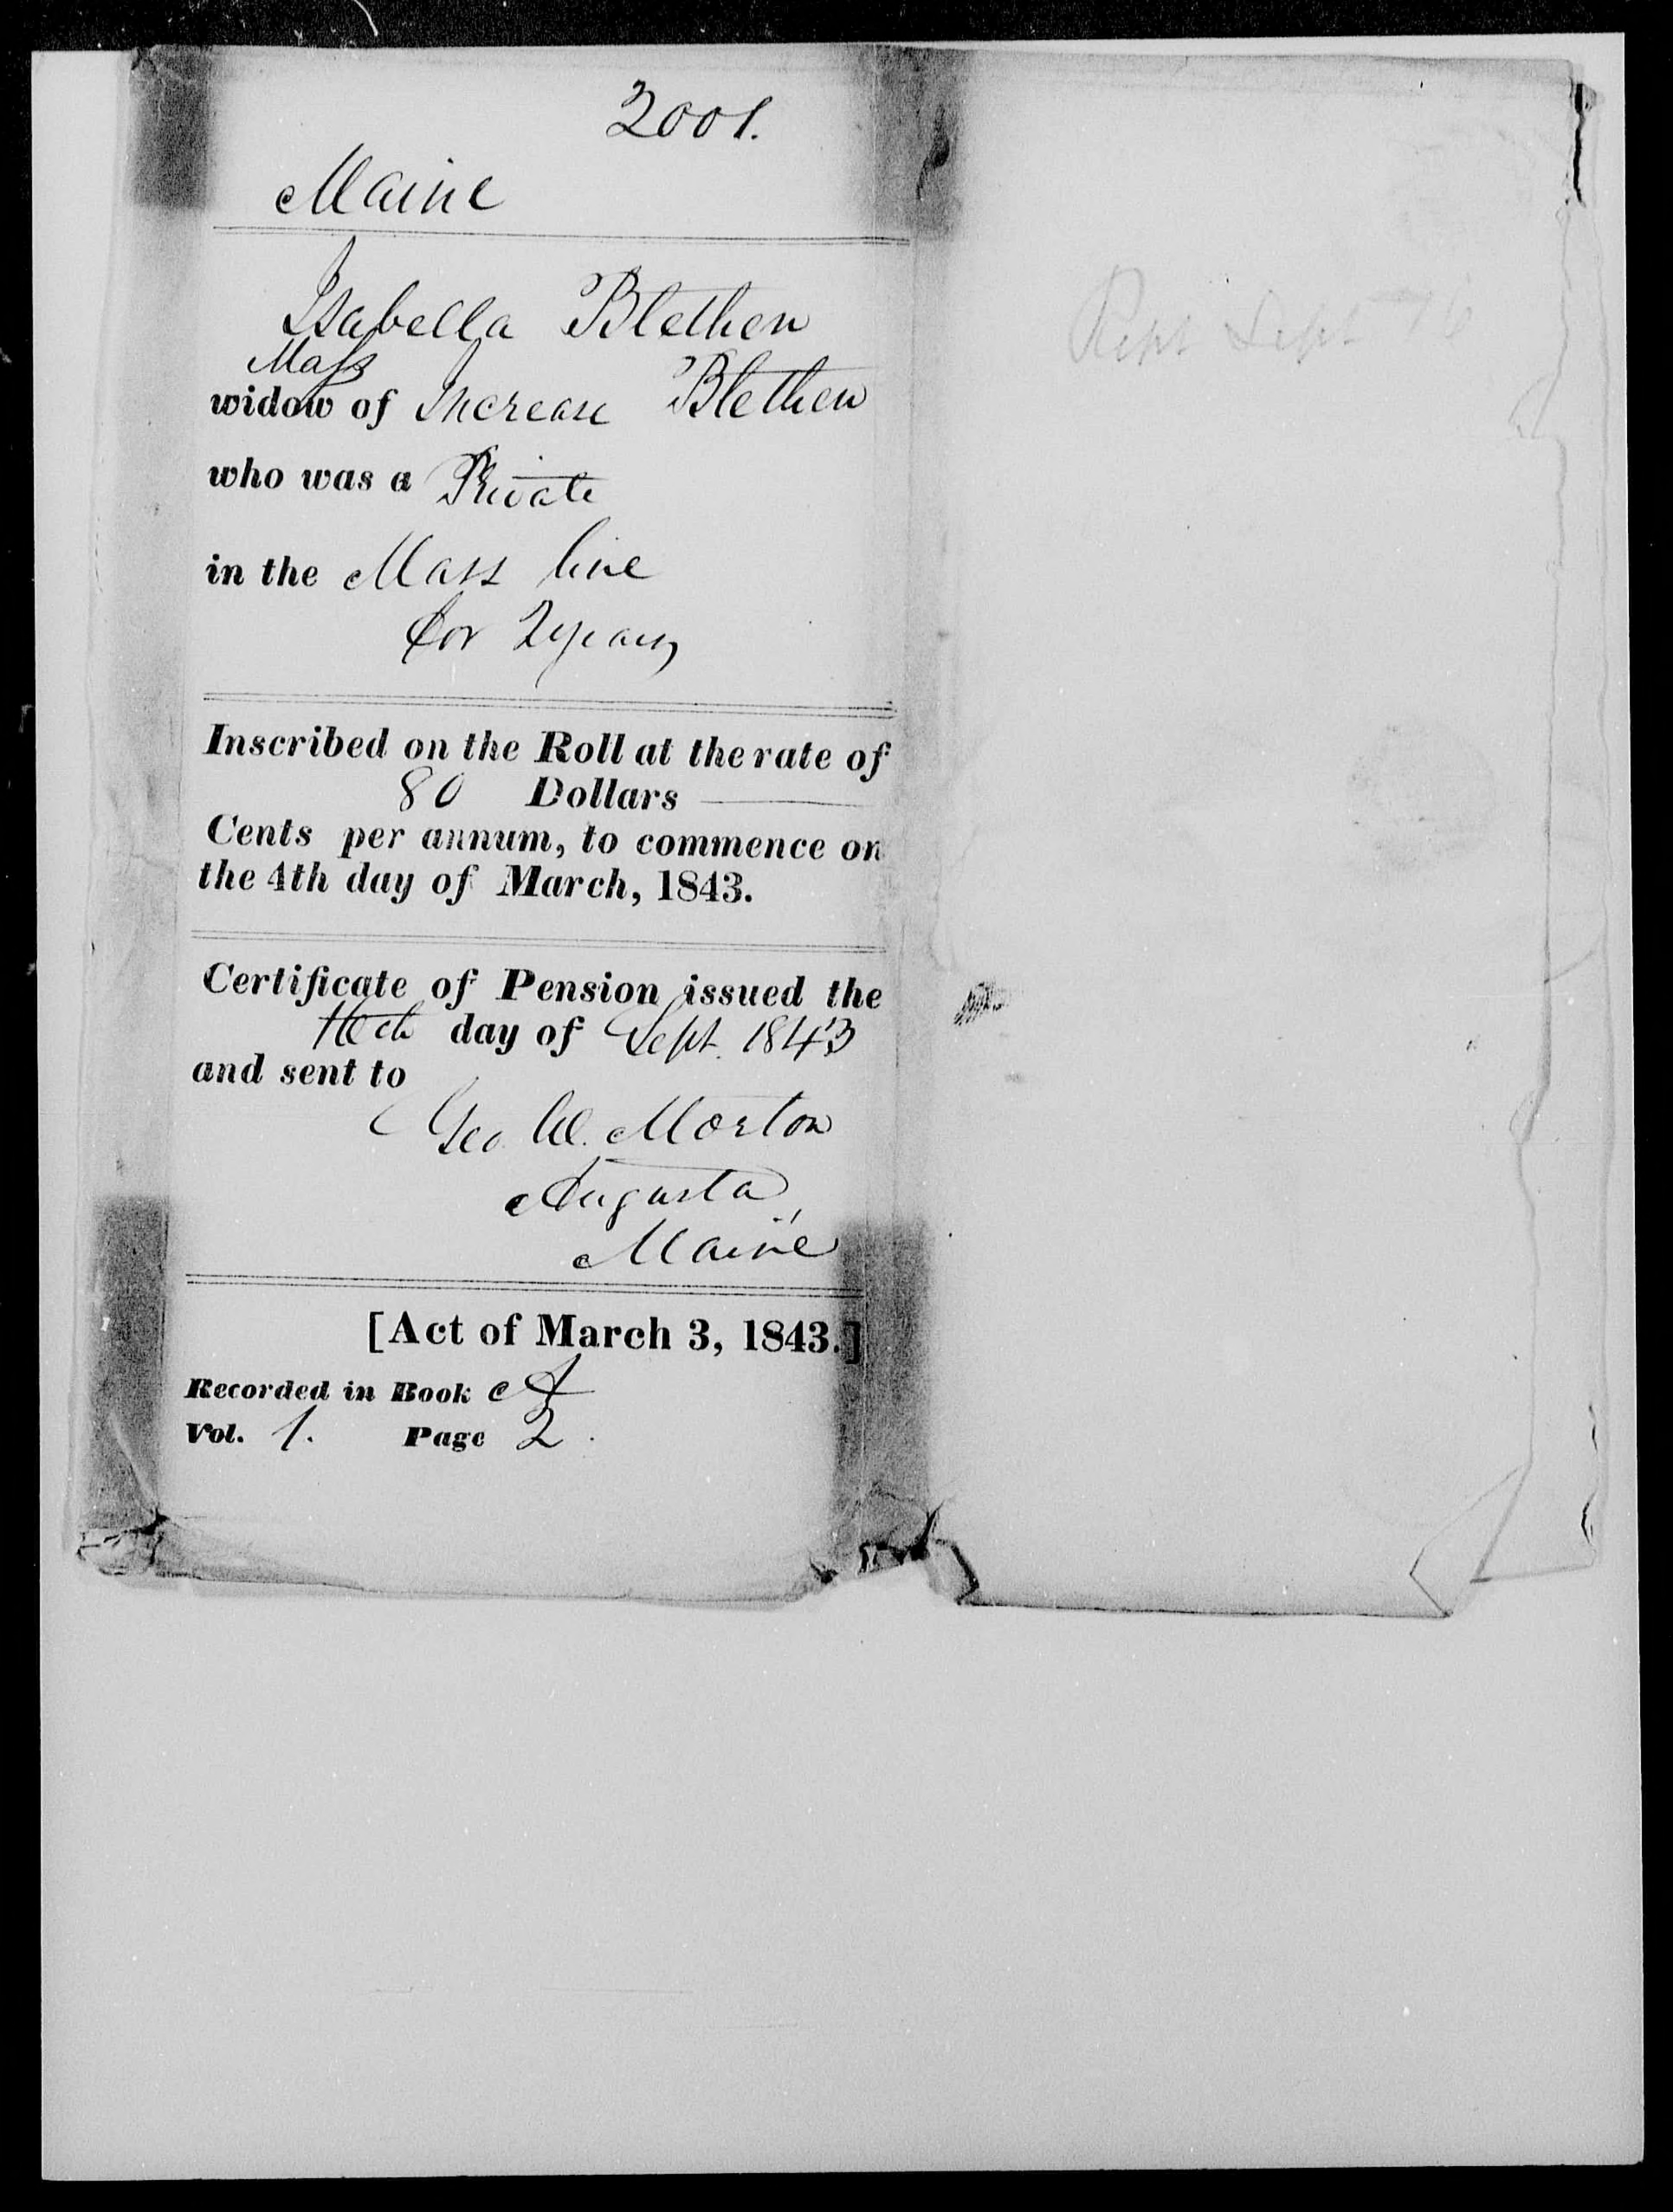2001
Maine
Isabella Blethen
Mass
widow of Increase Blethen
who was a Private
in the Mass line
for 2 years
Inscribed on the Roll at the rate of 
80 Dollars------------
Cents per annum, to commence on
the 4th day of March, 1843
Certificate of Pension issued the
16th day of Sept. 1843
and sent to 
Geo W. Morton
Augusta
Maine
[Act of March 3, 1843]
Recorded in Book A
Vol. 1   Page 2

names: Geo W Morton, Increase Blethen, Isabella Blethen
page: 3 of 39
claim: widow's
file: W. 23,621, Increase Blethen, Mass.